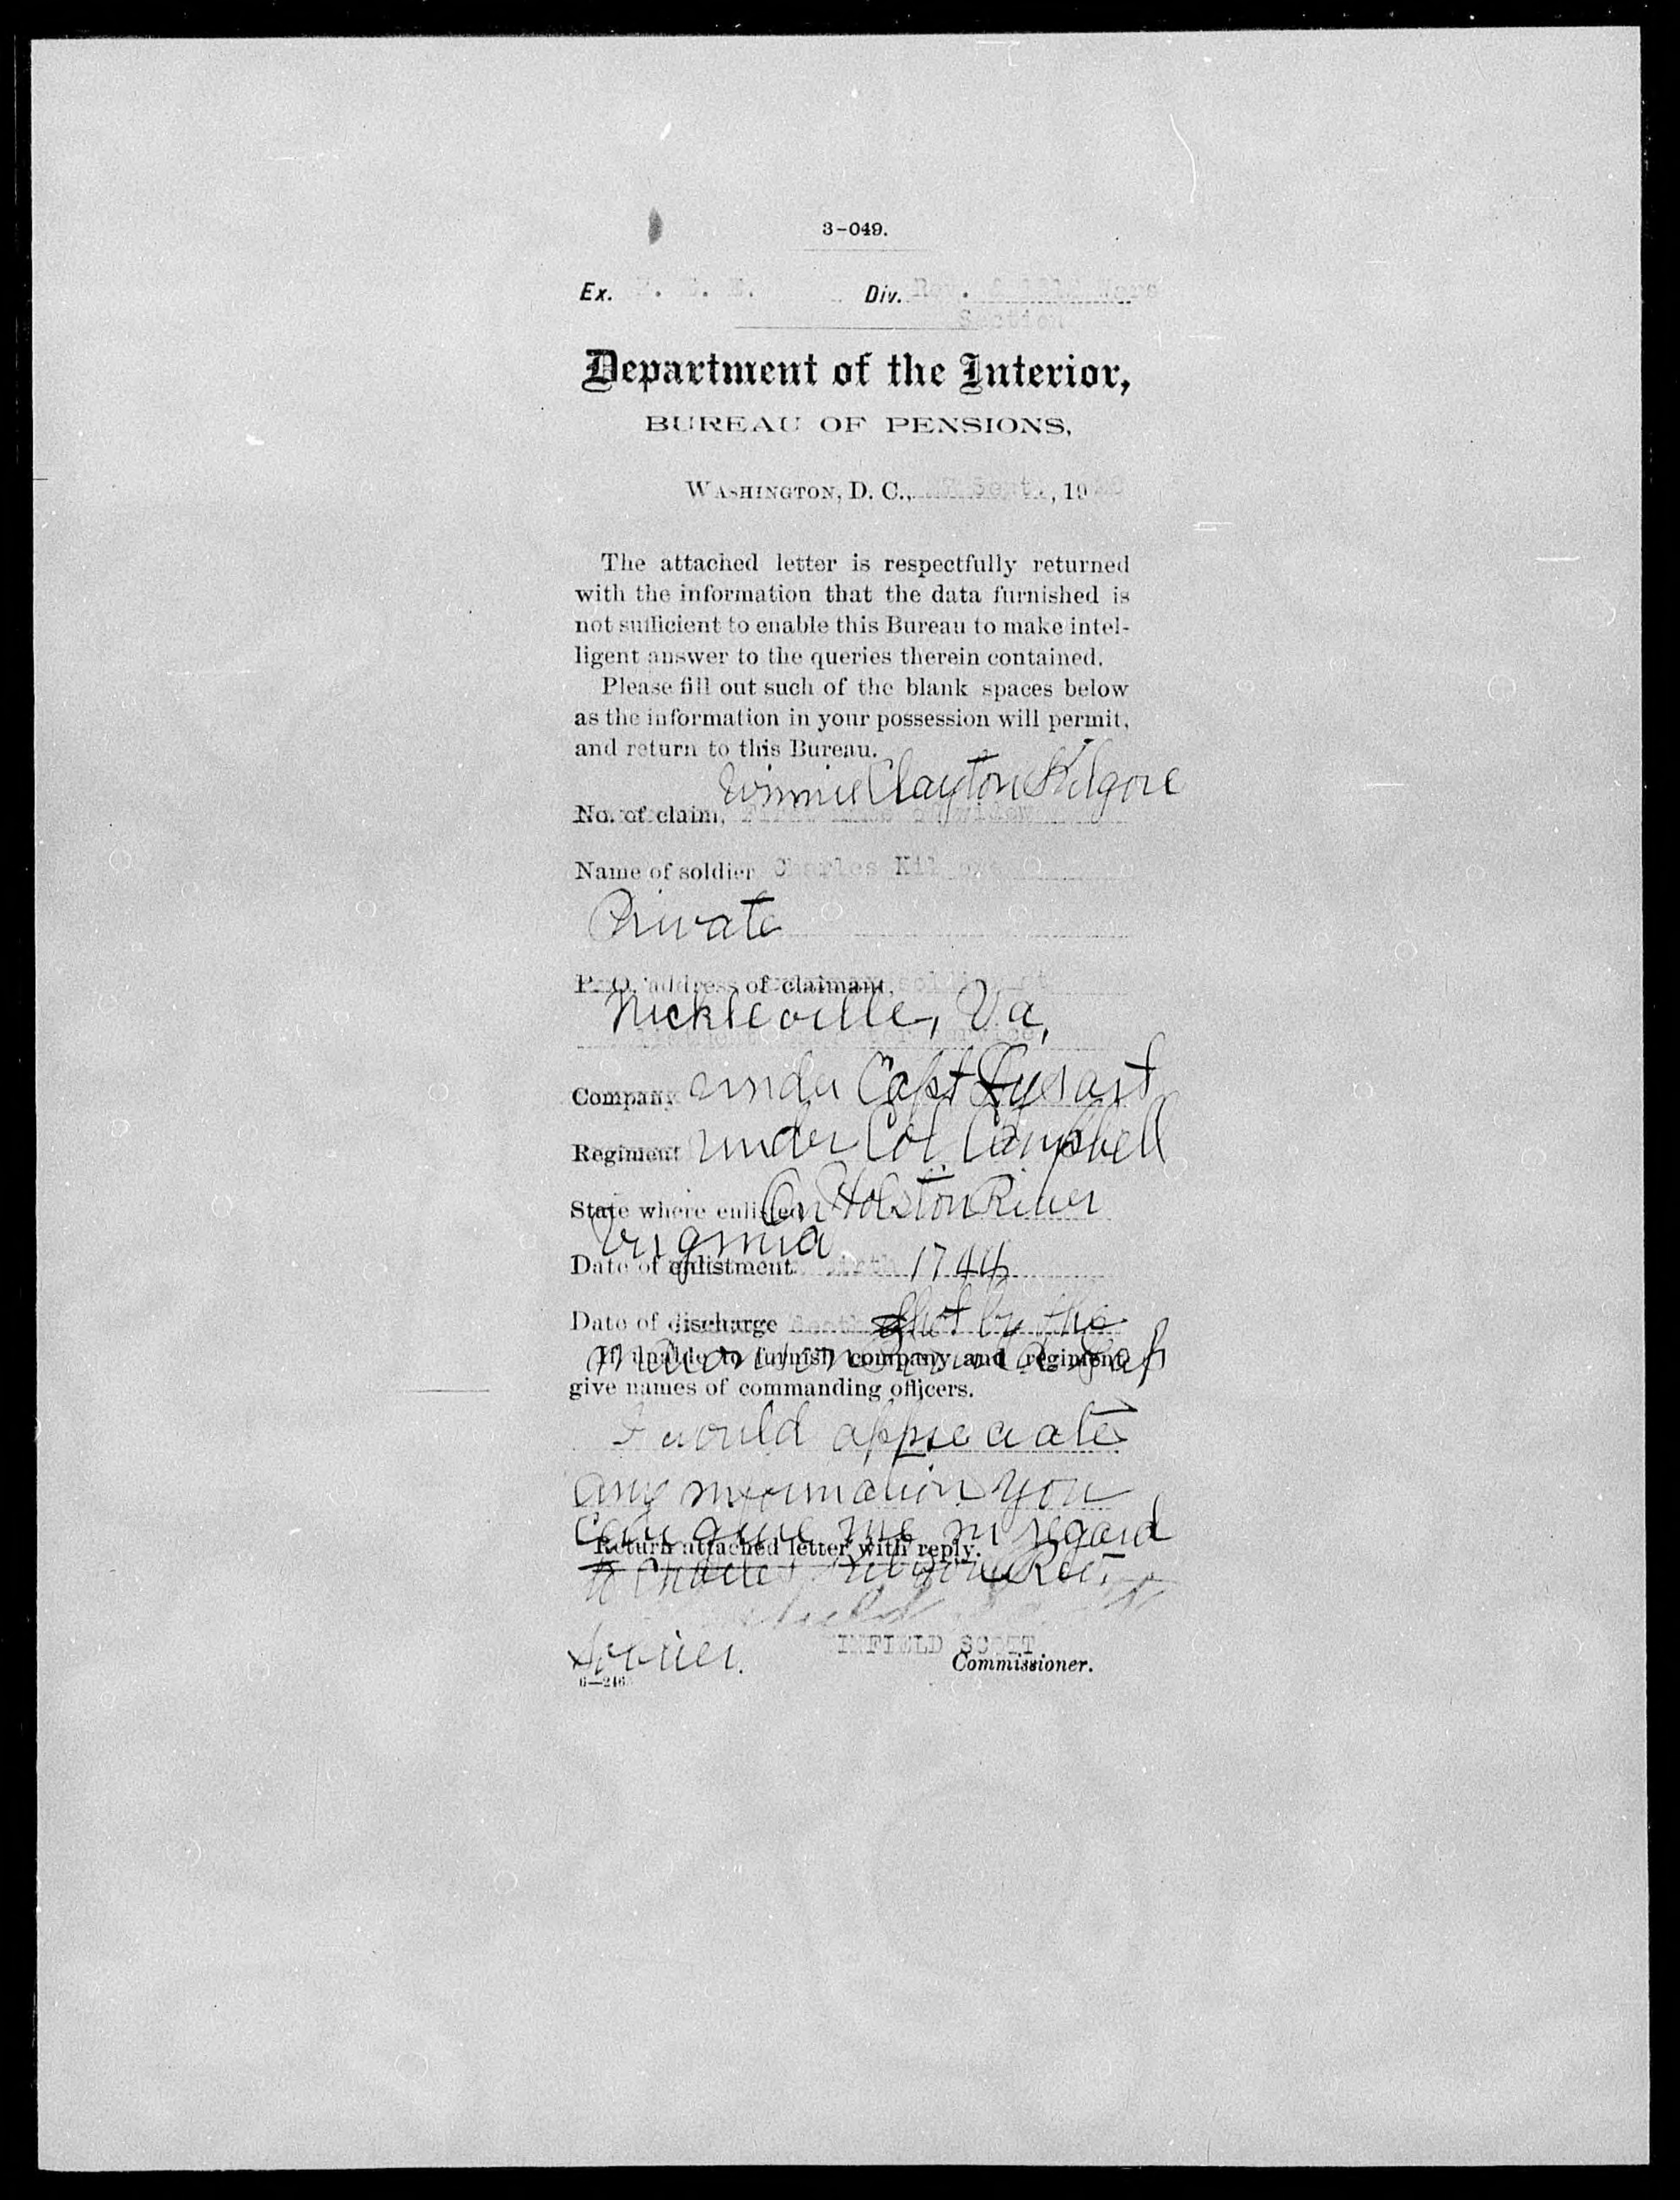3-049.
Ex. P. E. E.  Div. Rev. & 1812 Wars Section
Department of the Interior,
BUREAU OF PENSIONS.
WASHINGTON, D. C., 27 Sept., 1923

The attached letter is respectfully returned with the information that the data furnished is not sufficient to enable this Bureau to make intelligent
answer to the queries therein contained.
Please fill out such of the blank spaces below as the information in your possession will permit, and return to this Bureau.
No. of claim, Winnie Clayton Kilgore
Name of soldier Charles Kilgore
Private
P. O. address of claimant
Nickeville, Va.
Company under Capt Dysart
Regiment under Col. Campbell
State where enlisted on Holston River Virginia
Date of enlistment 1744.
Date of discharge shot by the indians on [illegible]
If unable to furnish company and regiment, give names of commanding officers.
I would appreciate any information you can give me in regard to Charles Kilgore Rev Soldier.
Return attached letter with reply.

Winfield Scott
WINFIELD SCOTT Commissioner.
6-216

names: Winnie Clayton Kilgore; [BLANK] Dysart; [BLANK] Campbell; Winfield Scott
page: 72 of 115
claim: survivor's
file: S. 699, for Charles Kilgore, Virginia